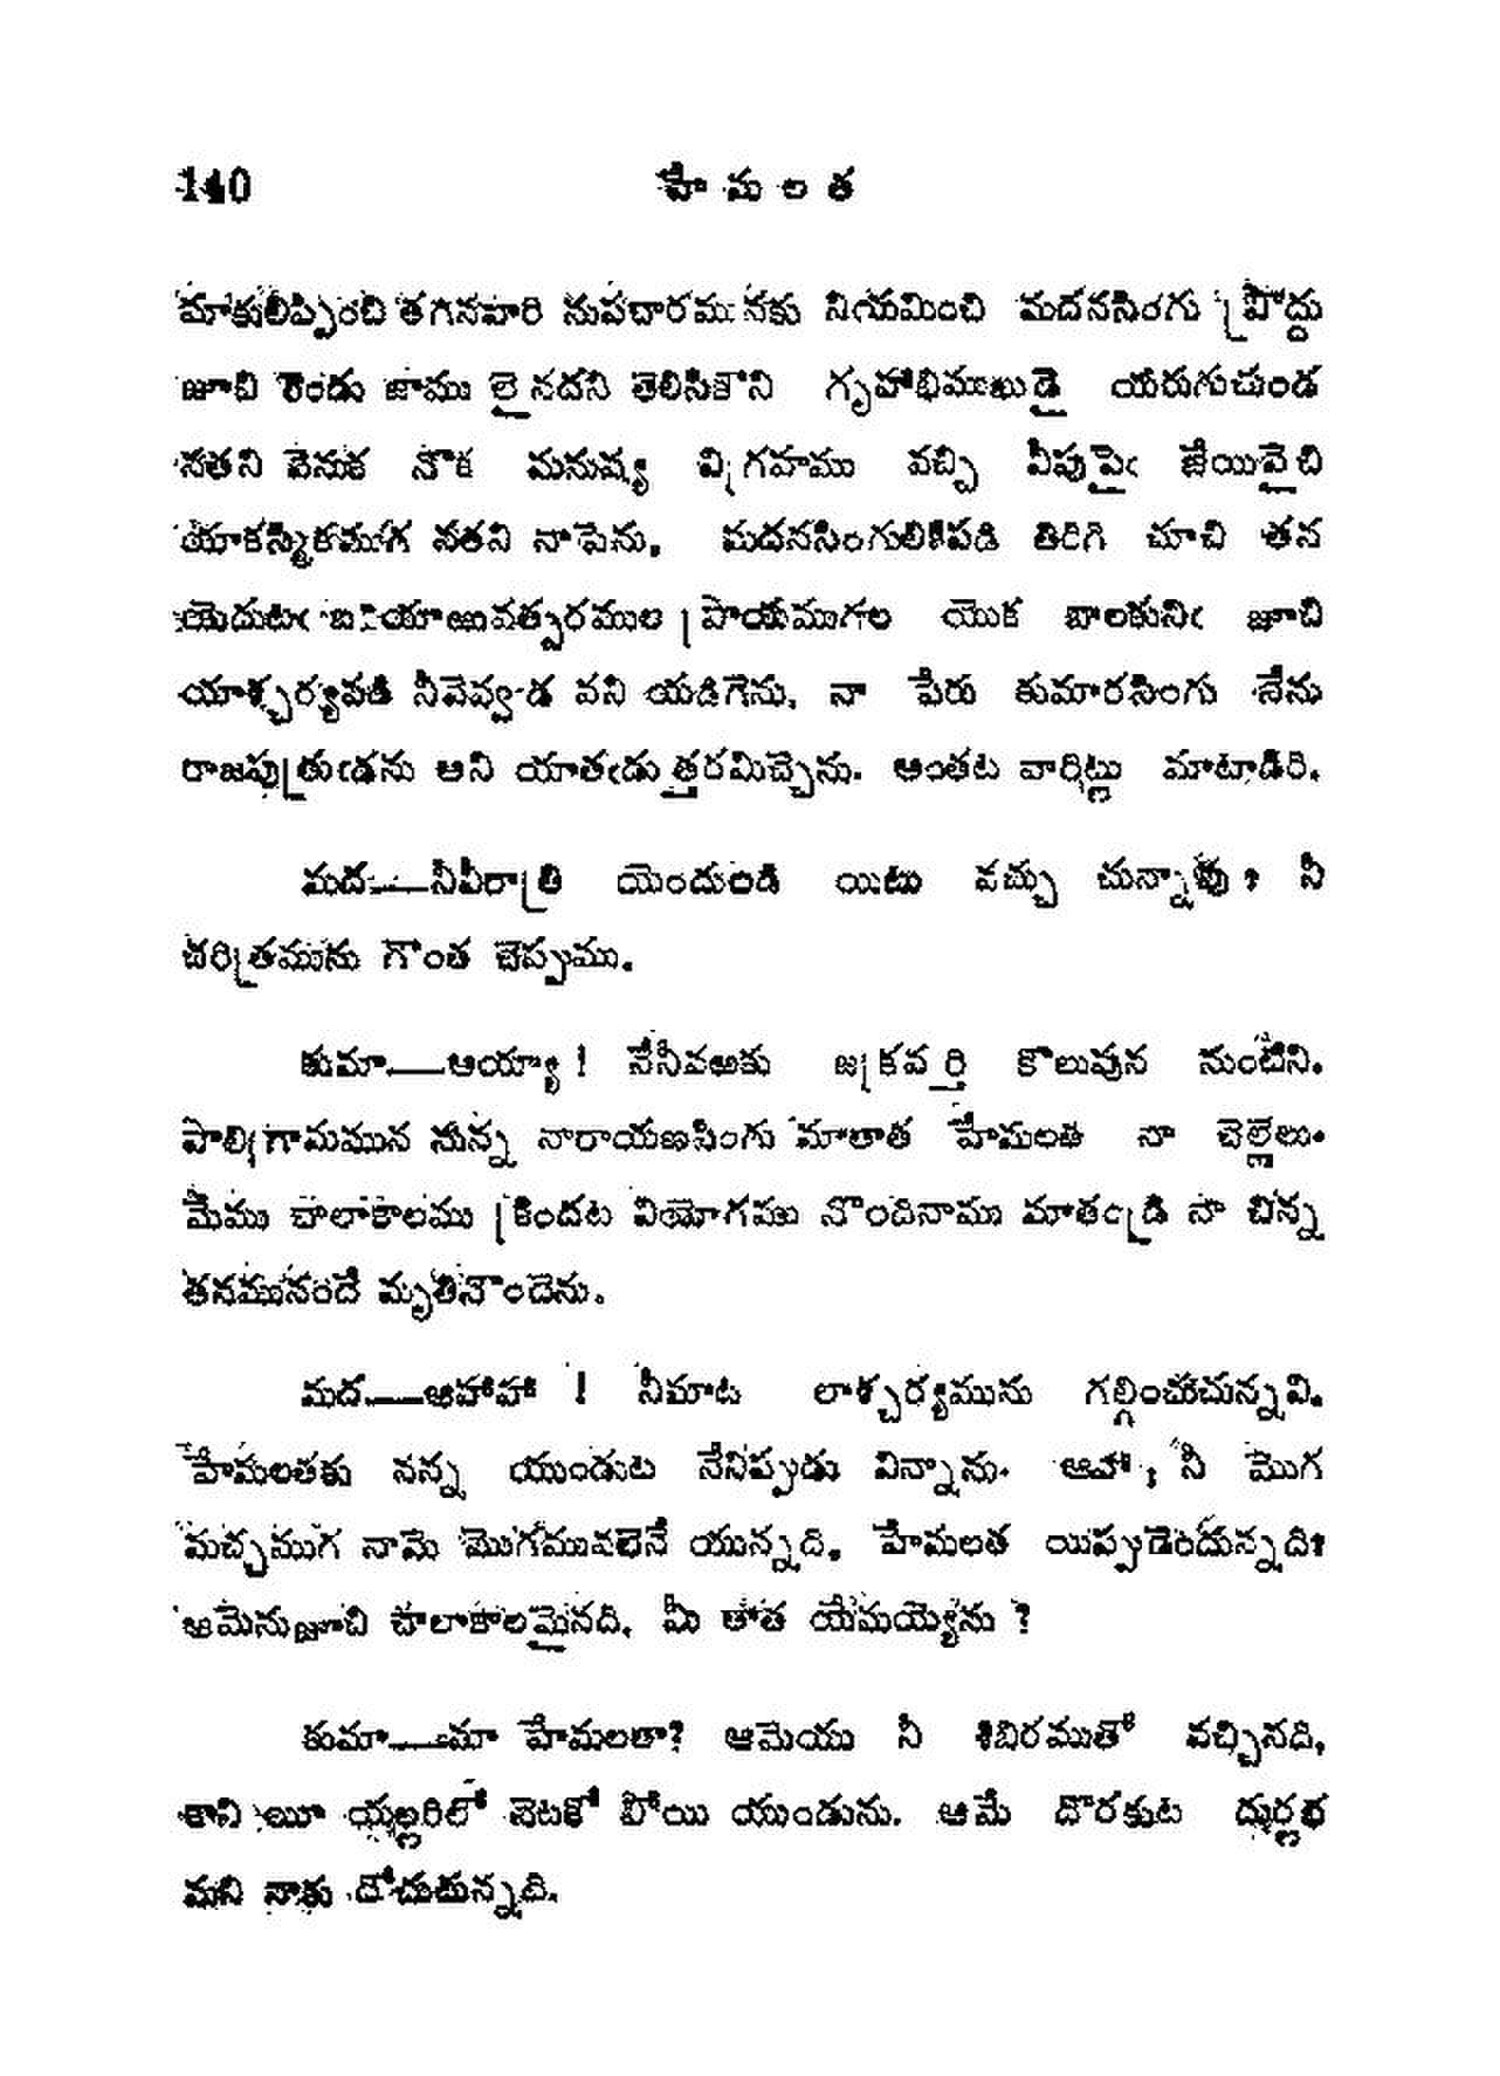మాకు లిప్పించి తగినవారి సుపచారమునకు నియమించి మదనసింగు ప్రొద్దు జూచి రెండు జాము లైనదని తెలిసికొని గృహాభిముఖుడై యరుగుచుండ నతని వెనుక నొక మనుష్య విగ్రహము వచ్చి వీపుపైఁ జేయివైచి యాకస్మికముగ నతని నాపెను. మదనసింగులికిపడి తిరిగి చూచి తన యెదుటఁ బదియాఱువత్సరముల ప్రాయముగల యొక బాలకునిఁ జూచి యాశ్చర్యపడి నీవెవ్వడ వని యడిగెను. నా పేరు కుమారసింగు. నేను రాజపుత్రుఁడను అని యాతఁడుత్తరమిచ్చెను. అంతట వారిట్లు మాటాడిరి.

మద – నీవీరాత్రి యెందుండి యిటు వచ్చు చున్నావు? నీ చరిత్రమును గొంత చెప్పుము.

కుమా – అయ్యా! నేనీవఱకు జక్రవర్తి కొలువున నుంటిని. పాలిగ్రామమున నున్న నారాయణసింగు మాతాత. హేమలత నా చెల్లెలు. మేము చాలాకాలము క్రిందట వియోగము నొందినాము. మాతండ్రి నా చిన్నతనమునందే మృతినొందెను.

మద – అహాహా! నీమాట లాశ్చర్యమును గల్గించుచున్నవి. హేమలతకు నన్న యుండుట నేనిప్పుడు విన్నాను. ఆహా! నీ మొగ మచ్చముగ నామె మొగమువలెనే యున్నది. హేమలత యిప్పుడెందున్నది? ఆమెనుజూచి చాలాకాలమైనది, మీ తాత యేమయ్యెను?

కుమా – మా హేమలతా? ఆమెయు నీ శిబిరముతో వచ్చినది, కాని యీ యల్లరిలో నెటకో పోయి యుండును. ఆమె దొరకుట దుర్లభమని నాకు దోచుచున్నది.